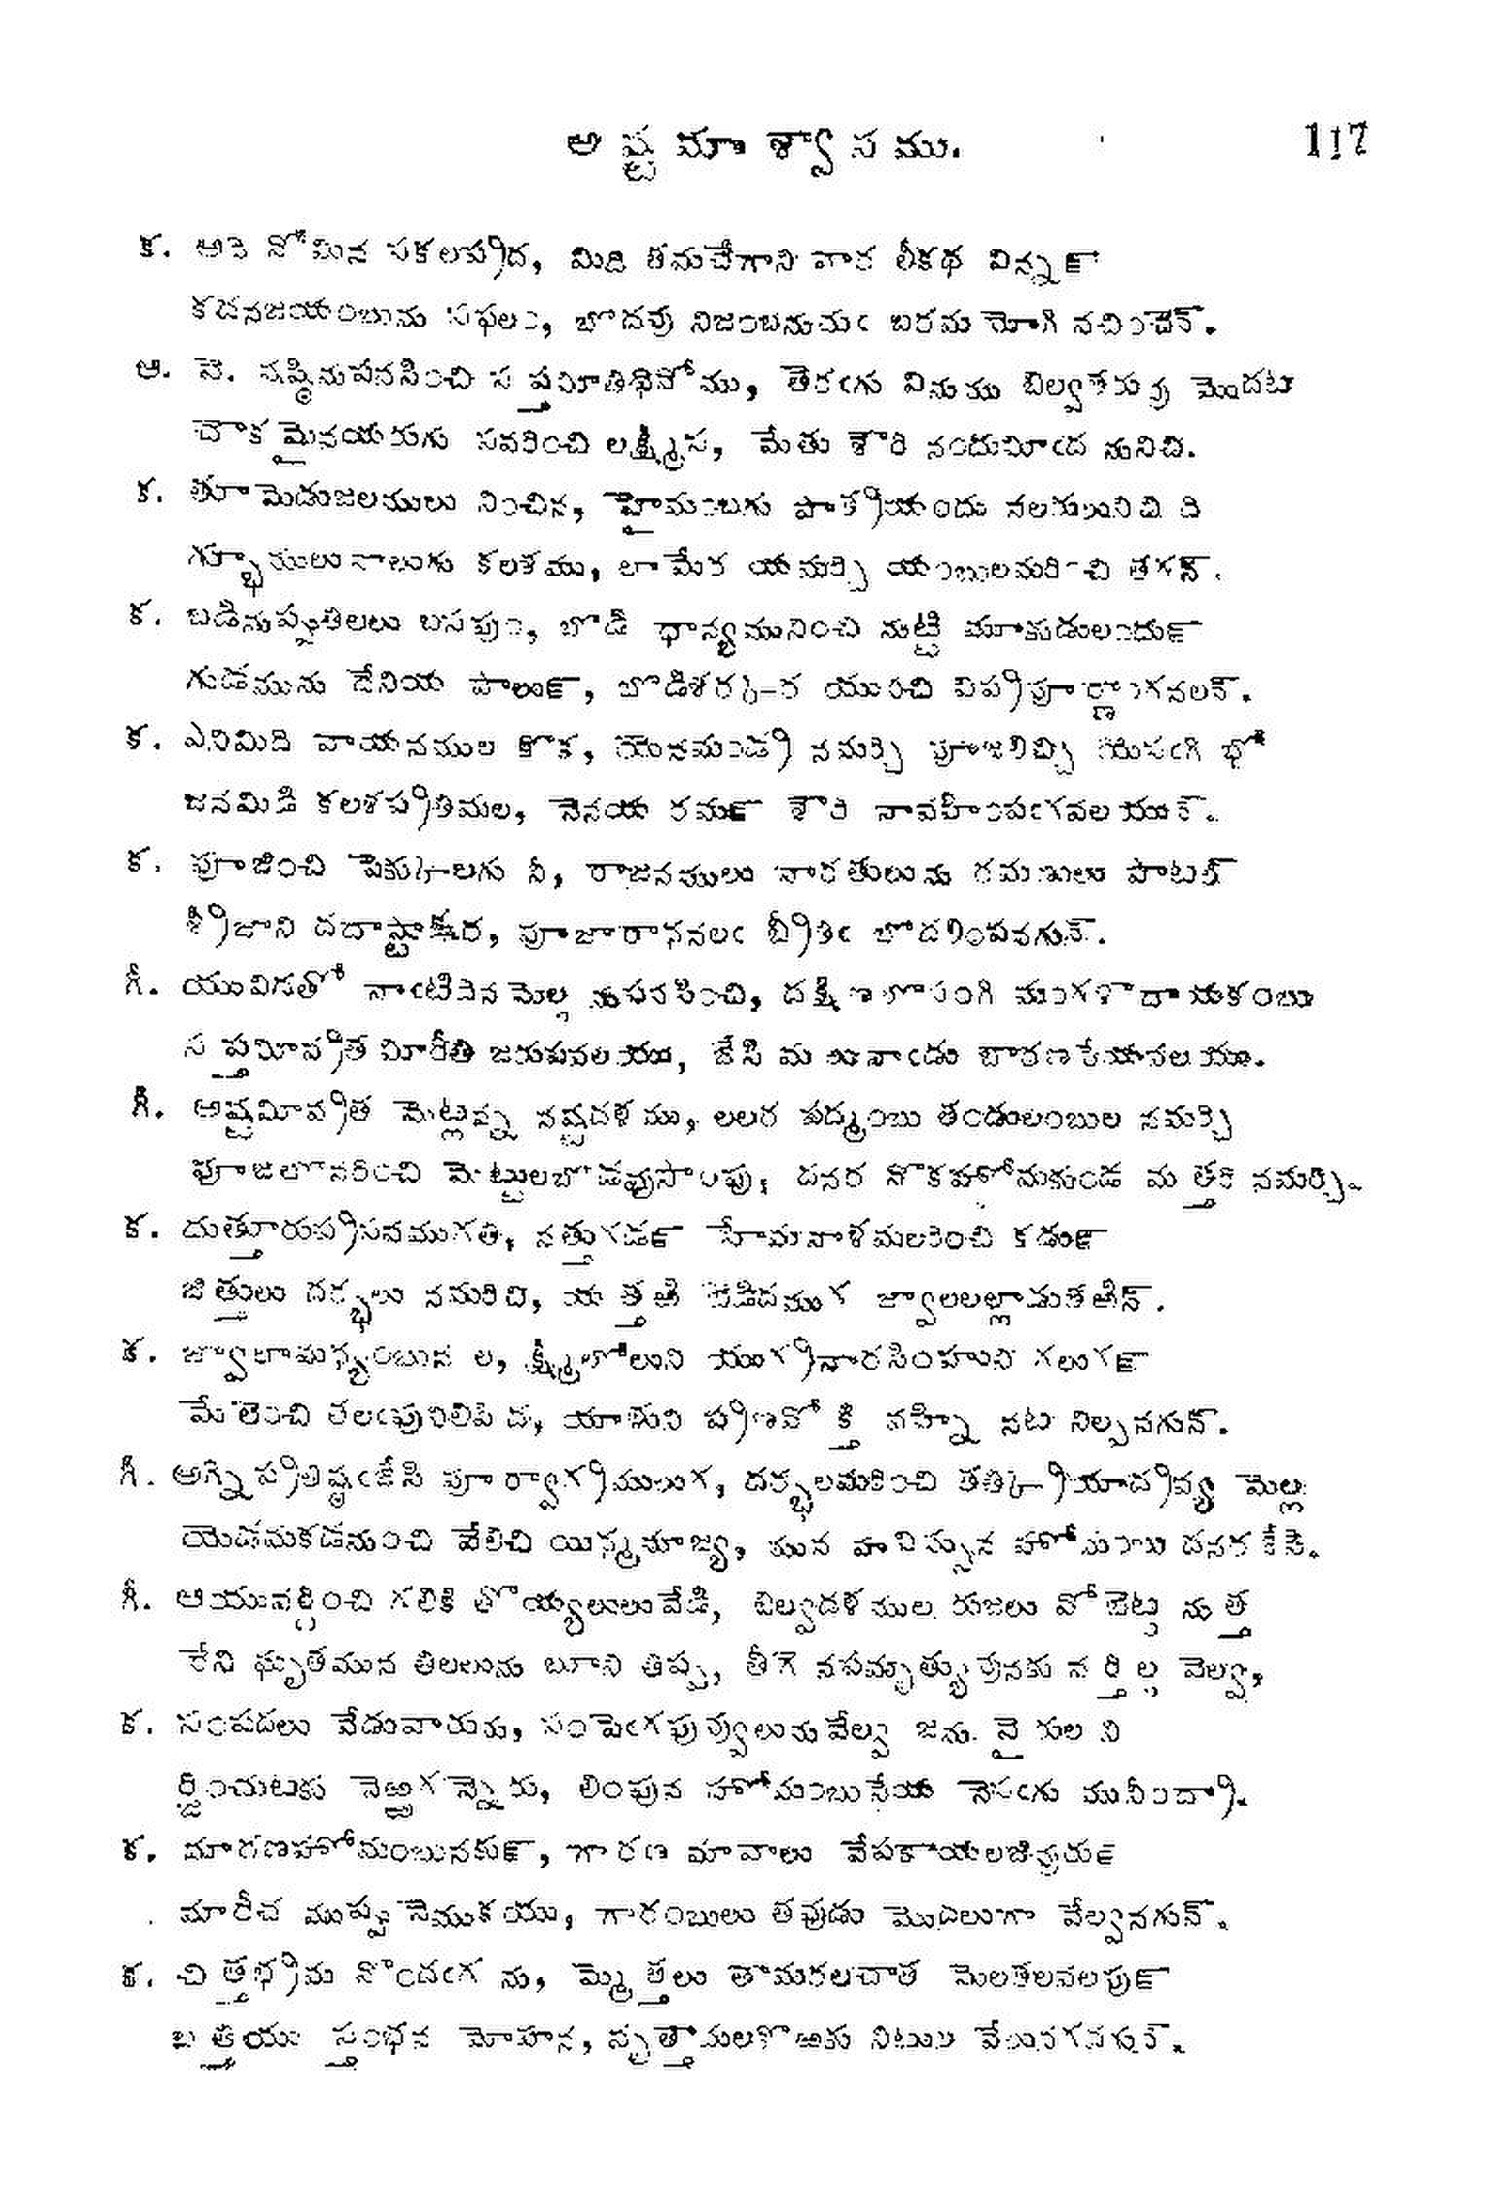క. అది నోమిన సకలప్రద, మిడి తమచేగాని వార లీకథ విన్నన్
 కదనజయంబును సఫలం, బొదవు నిజంబనుచుఁ బరమయోగి వచించెన్.
ఆ. వె. షష్ఠి నుపవసించి సప్తమీతిథినోము, తెరఁగు వినుము బిల్వతరువు మొదట
 చౌకమైనయరుగు సవరించి లక్ష్మీస, మేతు శౌరి నందుమీఁద నునిచి.
క. తూమెడుజలములు నించిన, హైమంబగు పాత్రయందు నలరు లునిచి ది
 గ్భూములునాలుగు కలశము, లామేర యమర్చి యంబు లమరించి తగన్.
క. బడినుప్పుతిలలు బసపుం, బొడి ధాన్యమునించి నుట్టి మూకుడులందున్
 గుడమును దేనియ పాలున్, బొడిశర్కర యునిచి విప్రపూర్ణాంగనలన్.
క. ఎనిమిది వాయనముల కొక, యెనమండ్ర నమర్చి పూజలిచ్చి యెసఁగి భో
 జనమిడి కలశప్రతిమల, నెనయ రమన్ శౌరి నావహింపఁగవలయున్.
క. పూజించి పెక్కులగు నీ, రాజనములు నారతులును రమణులు పాటల్
 శ్రీజాని దదాష్టాక్షర, పూజారాధనలఁ బ్రీతిఁ బొదలింపనగున్.
గీ. యువిదతో నాఁటిదినమెల్ల నుపవసించి, దక్షిణ లొసంగి మంగళాదాయకంబు
 సప్తమీవ్రత మీరీతి జరుపవలయు, జేసి మఱునాఁడు బారణ సేయవలయు.
గీ. అష్టమీవ్రత మెట్లన్న నష్టదళళము, లలర పద్మంబు తండుటంబుల నమర్చి
 పూజలొనరించి మెట్టులబొడవుసొంపు, దనర నొకహోమకుండ మత్తరి నమర్చి.
క. దుత్తూరుప్రసవముగతి, సత్తుగడన్ హేమనాళ మలరించి కడున్
 జిత్తులు దర్భల నమరిచి, యత్తఱి బెడిదముగ జ్వాలలల్లాడుతఱిన్.
క. జ్వాలామధ్యంబున ల, క్ష్మీలోలుని యుగ్రనారసింహుని గలుగన్
 మేలెంచి తలఁపు నిలిపి ద, యాళుని ప్రణవోక్తి వహ్ని నట నిల్పనగున్.
గీ. అగ్ని ప్రతిష్టఁ జేసి పూర్వాగ్రమున, దర్భ లమరించి తత్క్రియాద్రవ్య మెల్ల
 యెడమకడనుంచి వేలిచి యిధ్మమాజ్య, మున హనిస్సున హోమంబు దనరజేసి.
గీ. ఆయువర్గించి గలికి తొయ్యలులు వేడి, బిల్వదళముల రుజలు వోబెట్ట నుత్త
 రేని ఘృతమున తిలలును బూని తిప్ప, తీగె నపమృత్యువునకు వర్తిల్ల వెల్వ.
క. సంపదలు వేడువారును, సంపెఁగపువ్వులును వేల్వ జను వైరుల ని
 ర్జించుటకు నెఱ్ఱగన్నెరు, లింపున హోమంబు సేయ నెసఁగు మునీంద్రా.
క. మారణహోమంబునకు, గారణ మావాలు వేపకాయలజివురున్
 మారీచ ముప్పునెముకయు, గారంబులు తవుడు మొదలుగా వేల్వనగున్.
క. చిత్తభ్రమ నొందఁగ ను, మ్మెత్తలు తామరలచాత మెలతలవలపున్
 బత్తియు స్తంభన మోహన, వృత్తాదులకొఱకు నిటుల వేలువగదగున్.